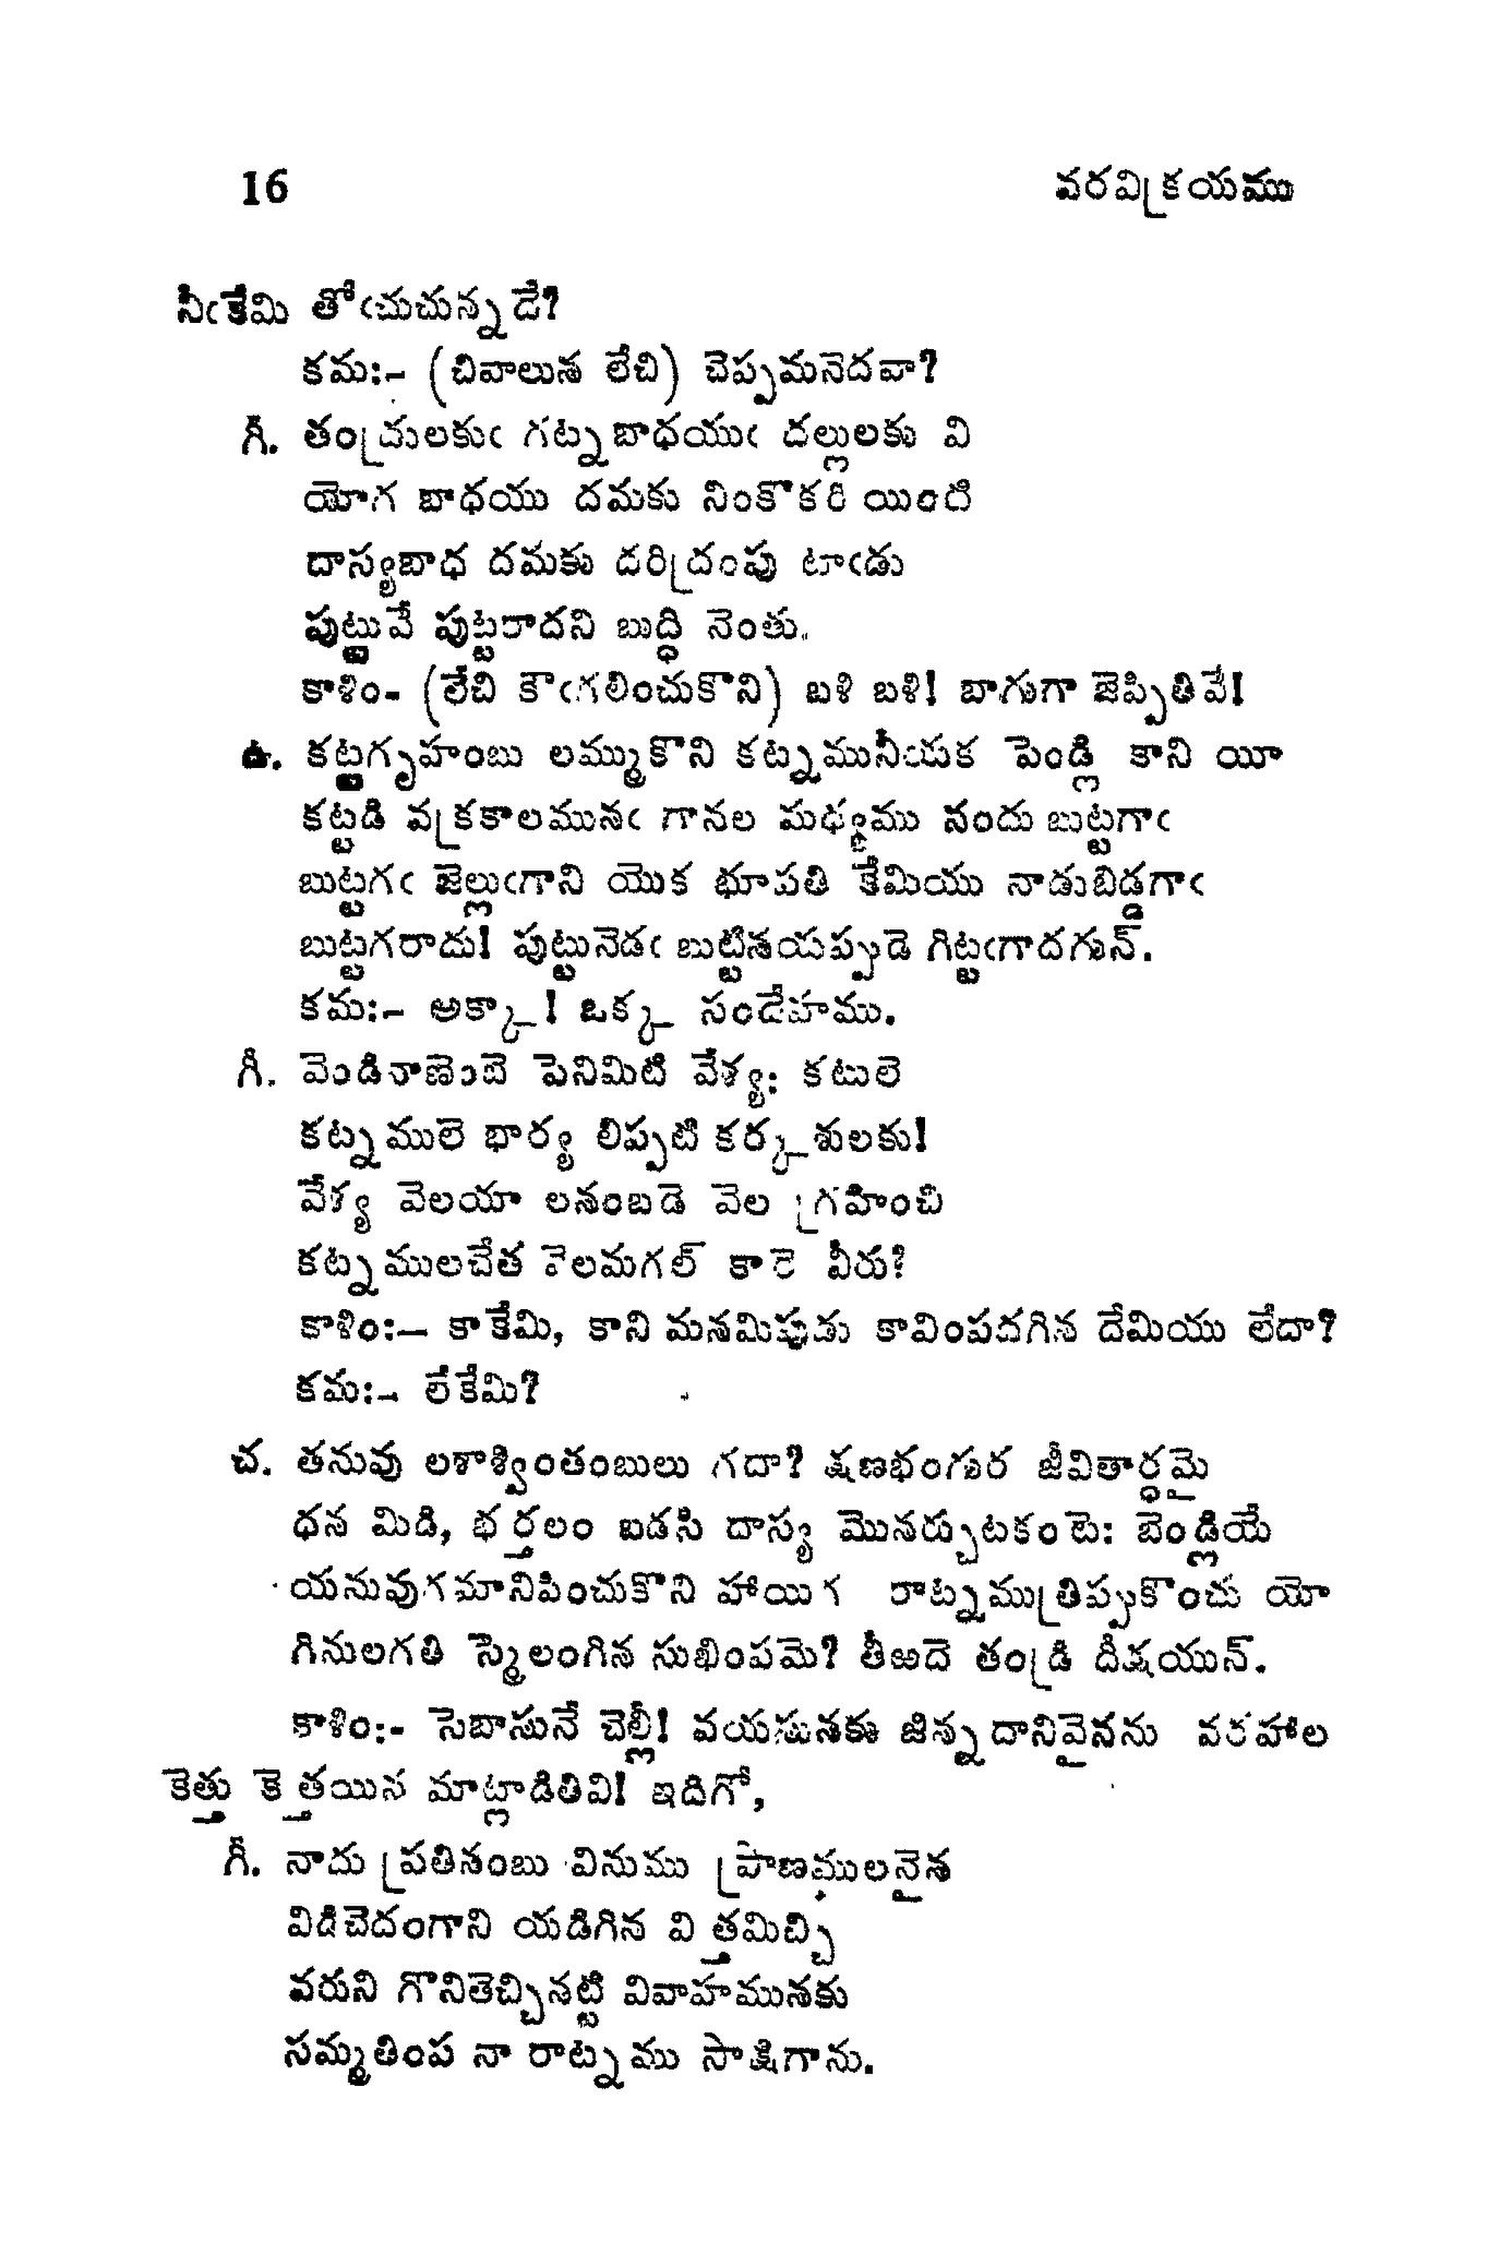నీఁకేమి తోఁచుచున్నదే?

కమ:- (చివాలున లేచి) చెప్పుమనెదవా?

గీ. తండ్రులకుఁ గట్నబాధయుఁ - దల్లులకు వి
 యోగ బాధయుఁ దమకు నింకొకరి యింటి
 దాస్యబాధ దమకు దరిద్రంపు టాఁడు
 పుట్టువే పుట్టరాదని బుద్ధి నెంతు.

కాళిం:-(లేచి కౌఁగిలించుకొని) బళి బళి! బాగుగా జెప్పితివే!

ఉ. కట్టగృహంబు లమ్ముకొని కట్నమునీయక పెండ్లికాని యీ
 కట్టడి వక్రకాలమునఁ గానల మధ్యము నందు బుట్టగాఁ
 బుట్టఁగఁ జెల్లుఁగాని యొక భూపతి కేమియు నాడుబిడ్డగాఁ
 బుట్టగరాదు! పుట్టునెడఁ బుట్టినయప్పుడె గిట్టఁగాఁదగున్‌.

కమ:- అక్కా! ఒక్క సందేహము.

గీ. వెండినాణెంబె పెనిమిటి వేశ్య; కటులె
 కట్నములె భార్య లిప్పటి కర్కశులకు!
 వేశ్య వెలయా లనంబడె వెల గ్రహించి,
 కట్నములచేత వెలమగల్‌ కారె వీరు?

కాళిం:- కాకేమి, కాని మనమిపుడు కావింపదగిన దేమియు లేదా?

కమ:-లేకేమీ?

చ. తనువు లశాశ్వితంబులు గదా? క్షణభంగుర జీవితార్థమై
 ధన మిడి, భర్తలం బడసి దాస్య మొనర్చుటకంటె; బెండ్లియే
 యనువుగ మానిపించుకొని, హాయిగ రాట్నముత్రిప్పుకొంచు యో
 గినులగతి న్మెలంగిన సుఖింపమె? తీఱదె తండ్రి దీక్షయున్‌?

కాళిం:- సెబాసునే చెల్లీ! వయసునకుఁ జిన్నదానివైనను వరహాల కెత్తు కెత్తయిన మాట్లాడితివి! ఇదిగో.

గీ. నాదు ప్రతినంబు వినుము ప్రాణములనైన
 విడిచెదంగాని, యడిగిన విత్తమిచ్చి
 వరుని గొనితెచ్చినట్టి వివాహమునకు
 సమ్మతింప నా రాట్నము సాక్షిగాను.